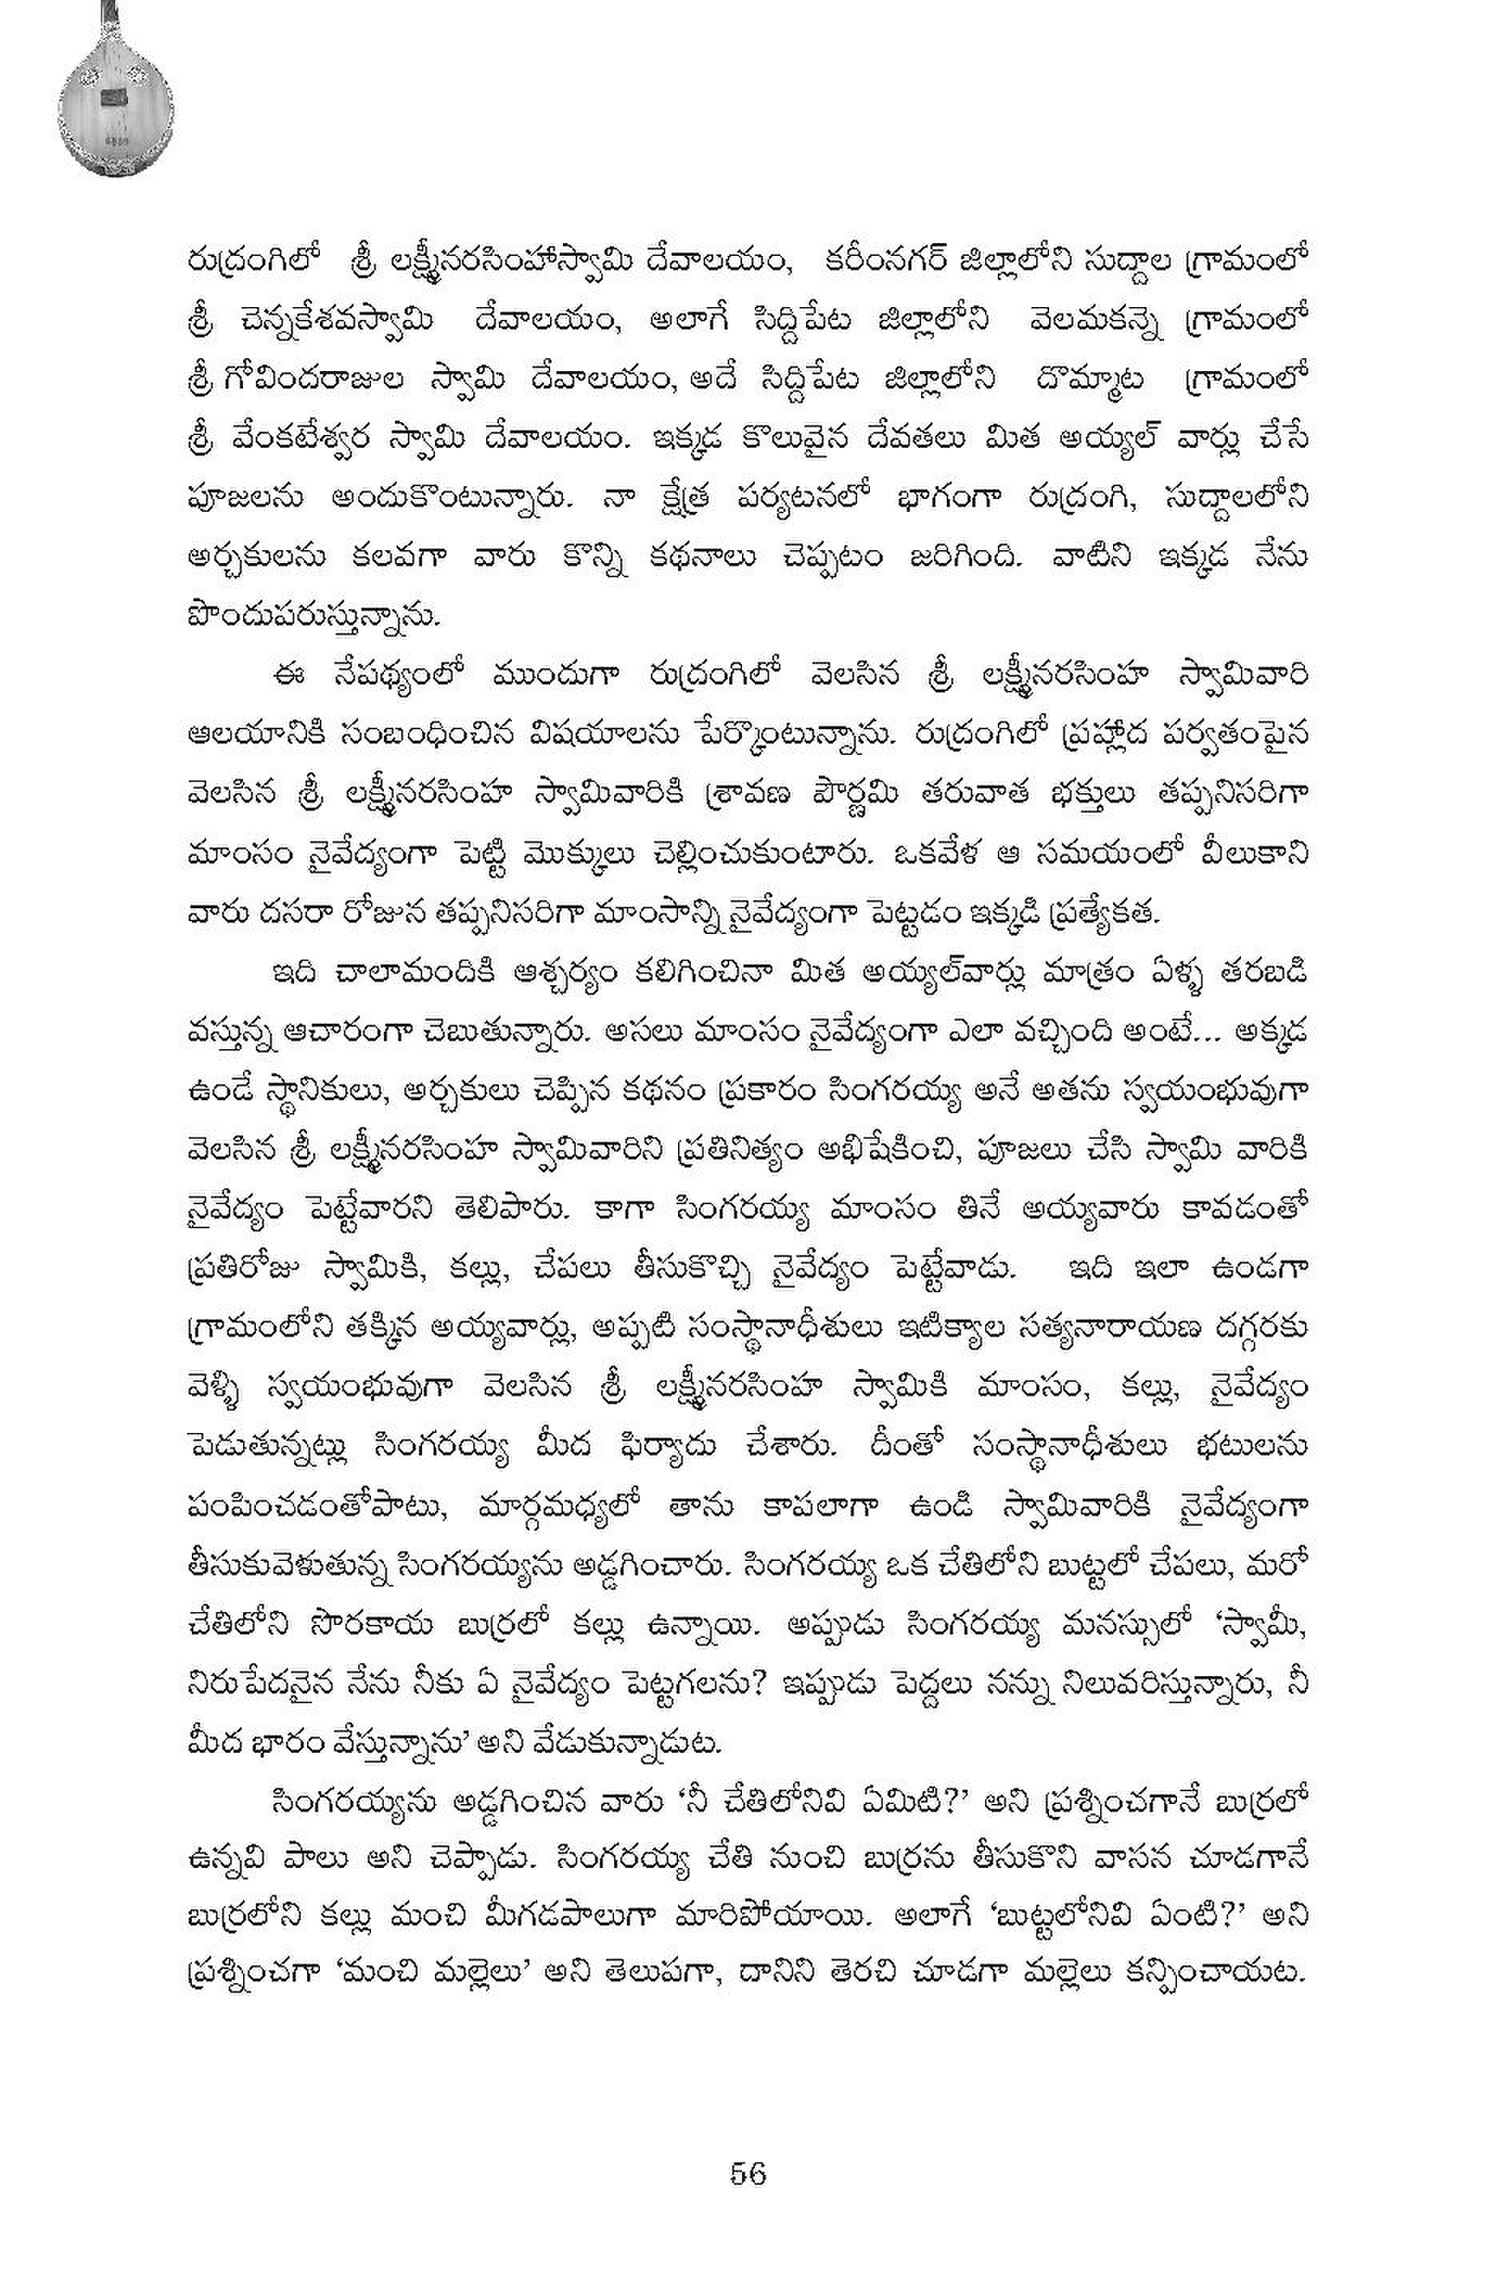రుద్రంగిలో శ్రీ లక్ష్మీనరసింహాస్వామి దేవాలయం, కరీంనగర్ జిల్లాలోని సుద్దాల గ్రామంలో శ్రీ చెన్నకేశవస్వామి దేవాలయం, అలాగే సిద్దిపేట జిల్లాలోని వెలమకన్నె గ్రామంలో శ్రీ గోవిందరాజుల స్వామి దేవాలయం, అదే సిద్దిపేట జిల్లాలోని దొమ్మాట గ్రామంలో వేంకటేశ్వర స్వామి దేవాలయం. ఇక్కడ కొలువైన దేవతలు మిత అయ్యల్ వార్లు చేసే పూజలను అందు కొంటున్నారు. నా క్షేత్ర పర్యటనలో భాగంగా రుద్రంగి, సుద్దాలలోని అర్చకులను కలవగా వారు కొన్ని కథనాలు చెప్పటం జరిగింది. వాటిని ఇక్కడ నేను పొందుపరుస్తున్నాను.

ఈ నేపథ్యంలో ముందుగా రుద్రంగిలో వెలసిన శ్రీ లక్ష్మీనరసింహ స్వామివారి ఆలయానికి సంబంధించిన విషయాలను పేర్కొంటున్నాను. రుద్రంగిలో ప్రహ్లాద పర్వతంపైన వెలసిన శ్రీ లక్ష్మీనరసింహ స్వామివారికి శ్రావణ పౌర్ణమి తరువాత భక్తులు తప్పనిసరిగా మాంసం నైవేద్యంగా పెట్టి మొక్కులు చెల్లించుకుంటారు. ఒకవేళ ఆ సమయంలో వీలుకాని వారు దసరా రోజున తప్పనిసరిగా మాంసాన్ని నైవేద్యంగా పెట్టడం ఇక్కడి ప్రత్యేకత.

ఇది చాలామందికి ఆశ్చర్యం కలిగించినా మిత అయ్యల్వార్లు మాత్రం ఏళ్ళ తరబడి వస్తున్న ఆచారంగా చెబుతున్నారు. అసలు మాంసం నైవేద్యంగా ఎలా వచ్చింది అంటే... అక్కడ ఉండే స్థానికులు, అర్చకులు చెప్పిన కథనం ప్రకారం సింగరయ్య అనే అతను స్వయంభువుగా వెలసిన శ్రీ లక్ష్మీనరసింహ స్వామివారిని ప్రతినిత్యం అభిషేకించి, పూజలు చేసి స్వామి వారికి నైవేద్యం పెట్టేవారని తెలిపారు. కాగా సింగరయ్య మాంసం తినే అయ్యవారు కావడంతో ప్రతిరోజు స్వామికి, కల్లు, చేపలు తీసుకొచ్చి నైవేద్యం పెట్టేవాడు. ఇది ఇలా ఉండగాగ్రామంలోని తక్కిన అయ్యవార్లు, అప్పటి సంస్థానాధీశులు ఇటిక్యాల సత్యనారాయణ దగ్గరకు వెళ్ళి స్వయంభువుగా వెలసిన శ్రీ లక్ష్మీనరసింహ స్వామికి మాంసం, కల్లు, నైవేద్యం
పెడుతున్నట్లు సింగరయ్య మీద ఫిర్యాదు చేశారు. దీంతో సంస్థానాధీశులు భటులను పంపించడంతోపాటు, మార్గమధ్యలో తాను కాపలాగా ఉండి స్వామివారికి నైవేద్యంగా తీసుకువెళుతున్న సింగరయ్యను అడ్డగించారు. సింగరయ్య ఒక చేతిలోని బుట్టలో చేపలు, మరో చేతిలోని సొరకాయ బుర్రలో కల్లు ఉన్నాయి. అప్పుడు సింగరయ్య మనస్సులో 'స్వామీ, నిరుపేదనైన నేను నీకు ఏ నైవేద్యం పెట్టగలను? ఇప్పుడు పెద్దలు నన్ను నిలువరిస్తున్నారు, నీ మీద భారం వేస్తున్నాను' అని వేడుకున్నాడుట.

సింగరయ్యను అడ్డగించిన వారు 'నీ చేతిలోనివి ఏమిటి?' అని ప్రశ్నించగానే బుర్రలో ఉన్నవి పాలు అని చెప్పాడు. సింగరయ్య చేతి నుంచి బుర్రను తీసుకొని వాసన చూడగానే బుర్రలోని కల్లు మంచి మీగడపాలుగా మారిపోయాయి. అలాగే 'బుట్టలోనివి ఏంటి?' అని ప్రశ్నించగా 'మంచి మల్లెలు' అని తెలుపగా, దానిని తెరచి చూడగా మల్లెలు కన్పించాయట.